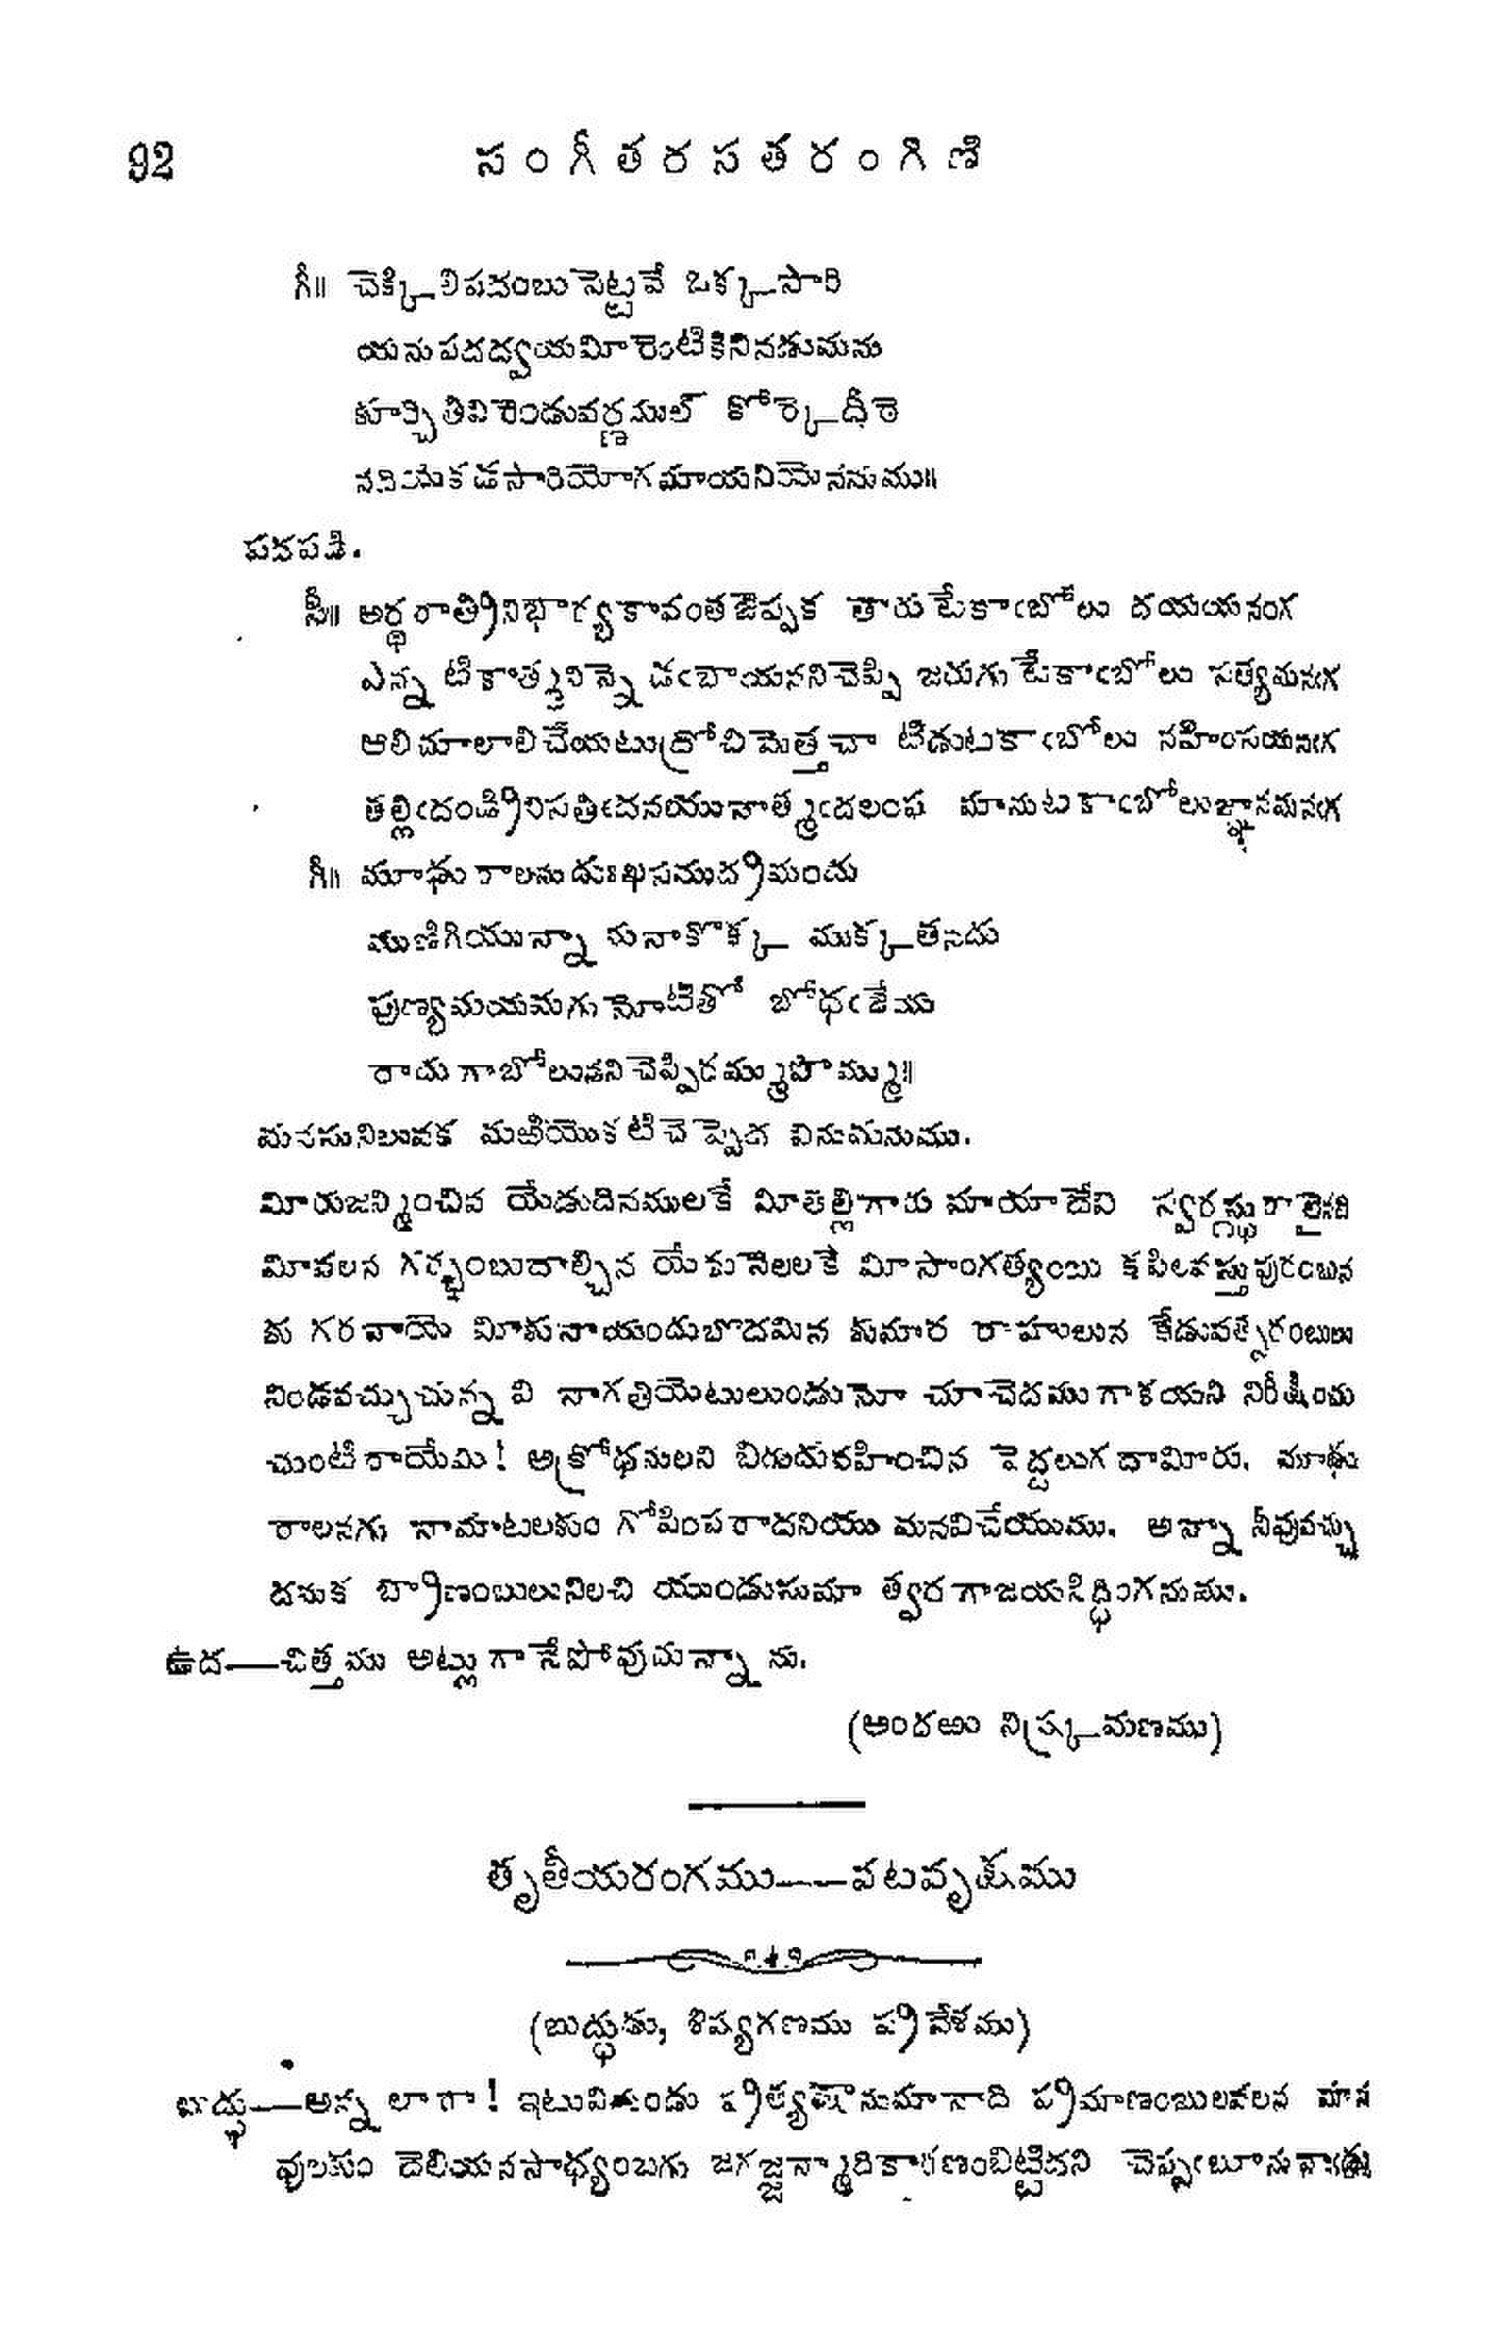గీ॥ చెక్కిలిపదంబుపెట్టవే ఒక్కసారి
యనుపదద్వయమీరెంటికినినడుమను
కూర్చితీనిరెండువర్ణముల్ కోర్కెదీరె
నదియేకడసారియోగమాయనియెననుము॥ 

పదపడి.

సీ॥ అర్థరాత్రినిభార్యకావంతజెప్పక తారుటేకాఁబోలు దయయనంగ 
ఎన్నటికాత్మనిన్నె డఁబాయననిచెప్పి జరుగుటేకాఁబోలు సత్యమనగ
ఆలిచూలాలి చేయటుద్రోచీమెత్తచా టిడుటకాఁబోలు సహింసయనఁగ
తల్లిఁదండ్రినిసతీఁదనయునాత్మఁదలంప మానుట కాఁబోలుజ్ఞానమసఁగ 

గీ॥ మూఢురాలను దుఃఖసముద్రమందు
ముణీగియున్నానునాకొక్క ముక్కతనదు 
పుణ్యమయనుగుమోటితో బోధఁజేయ
రాదుగాబోలునని చెప్పిరమ్ముపొమ్ము॥  

మనసు నిలవక మఱియొకటి చెప్పెద వినుమనము.

మీరుజన్మించిన యేడుదినములకే మీతల్లిగారు మాయాదేవి స్వర్గస్థురా లైనది. వివలస గర్భంబుదాల్చిన యేకునెలలకే 
మీసాంగత్యంబు కపిలవస్తుపురంబునకు గరవాయె మీకునాయందుబోదమిన కుమార రాహులున కేడువత్సరంబులు 
నిండవచ్చుచున్నవి నాగతియెటులుండుమో చూచెదముగాకయని నిరీక్షించుచుంటీ రాయేమి! అక్రోధనులని బిరుదు 
రహించిన పెద్దలుగదామీరు. మూఢురాలనగు నామాటలకుం గోపింపరాదనియు మనవిచేయుము. అన్నా నీవువచ్చు
దనుక బ్రాణంబులునిలచి యుండుసుమా త్వరగా జయసిద్ధిఁగనుము .

ఉద — చిత్తము అట్లుగానేపోవుచున్నాను.

 

 

బుద్ధు - అన్న లారా! ఇటువినుండు ప్రత్యక్షానుమానాది ప్రమాణంబులలన మానవులకు దెలియనసాధ్యంబగు 
జగజ్జన్మాదికారణంబిట్టిదని చెప్పఁబూనునాడు.